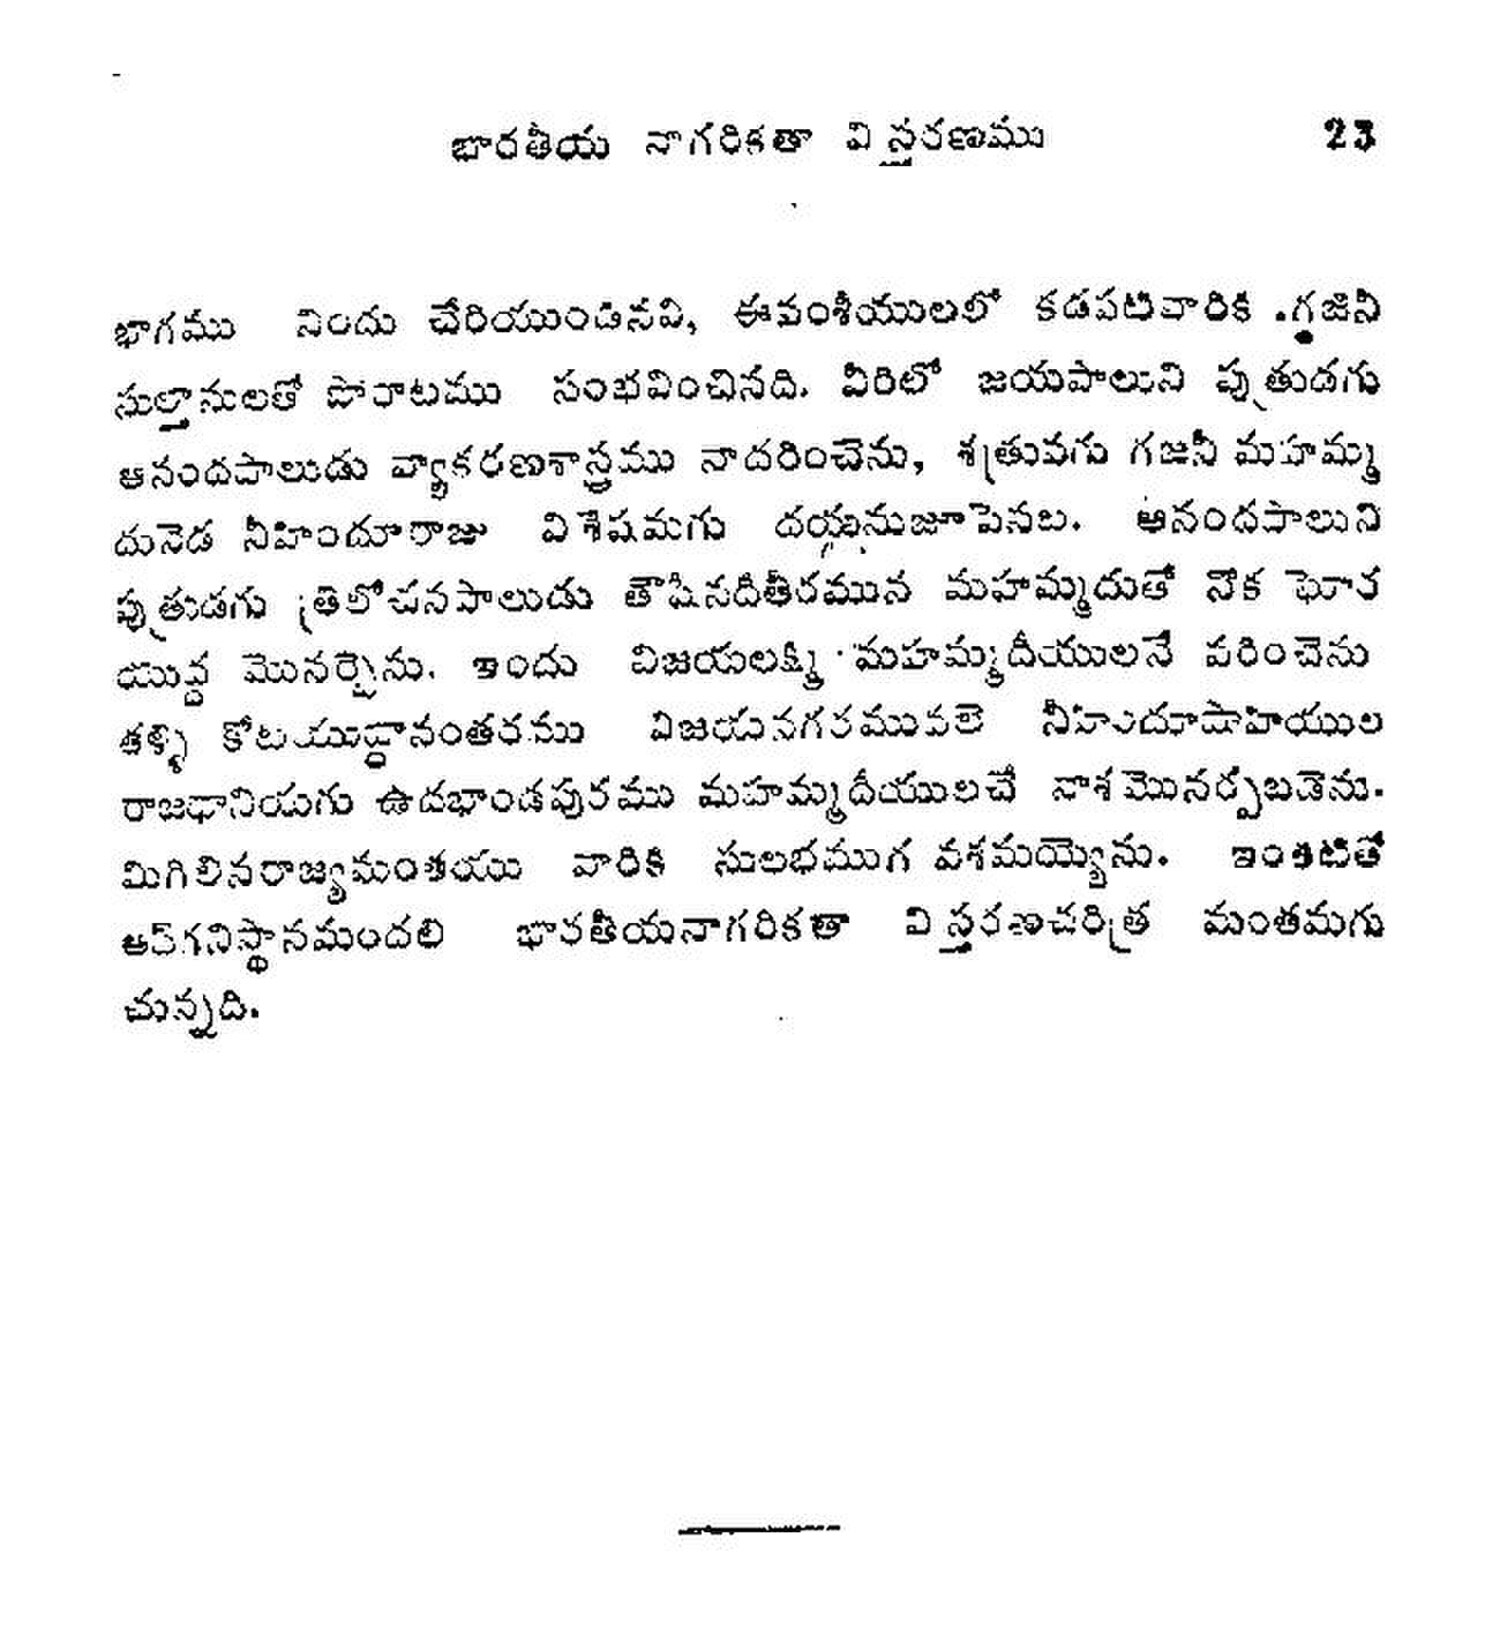భాగము నిందు చేరియుండినవి. ఈవంశీయులలో కడపటివారికి - గజినీ సుల్తానులతో పోరాటము సంభవించినది. వీరిలో జయపాలుని పుత్రుడగు ఆనందపాలుడు వ్యాకరణశాస్త్రము నాదరించెను. శత్రువగు గజనీ మహమ్మదునెడ నీహిందూరాజు విశేషమగు దయనుజూపెనట. ఆనందపాలుని పుత్రుడగు త్రిలోచనపాలుడు తౌషీనదీతీరమున మహమ్మదుతో నొక ఘోర యుద్ధ మొనర్చెను. ఇందు విజయలక్ష్మి మహమ్మదీయులనే వరించెను. తళ్ళి కోటయుద్దానంతరము విజయనగరమువలె నీహిందూషాహియుల రాజధానియగు ఉదభాండపురము మహమ్మదీయులచే నాశమొనర్పబడెను. మిగిలినరాజ్యమంతయు వారికి సులభముగ వశమయ్యెను. ఇంతటితో ఆఫ్‌గనిస్థానమందలి భారతీయనాగరికతా విస్తరణచరిత్ర మంతమగు చున్నది. 

________________